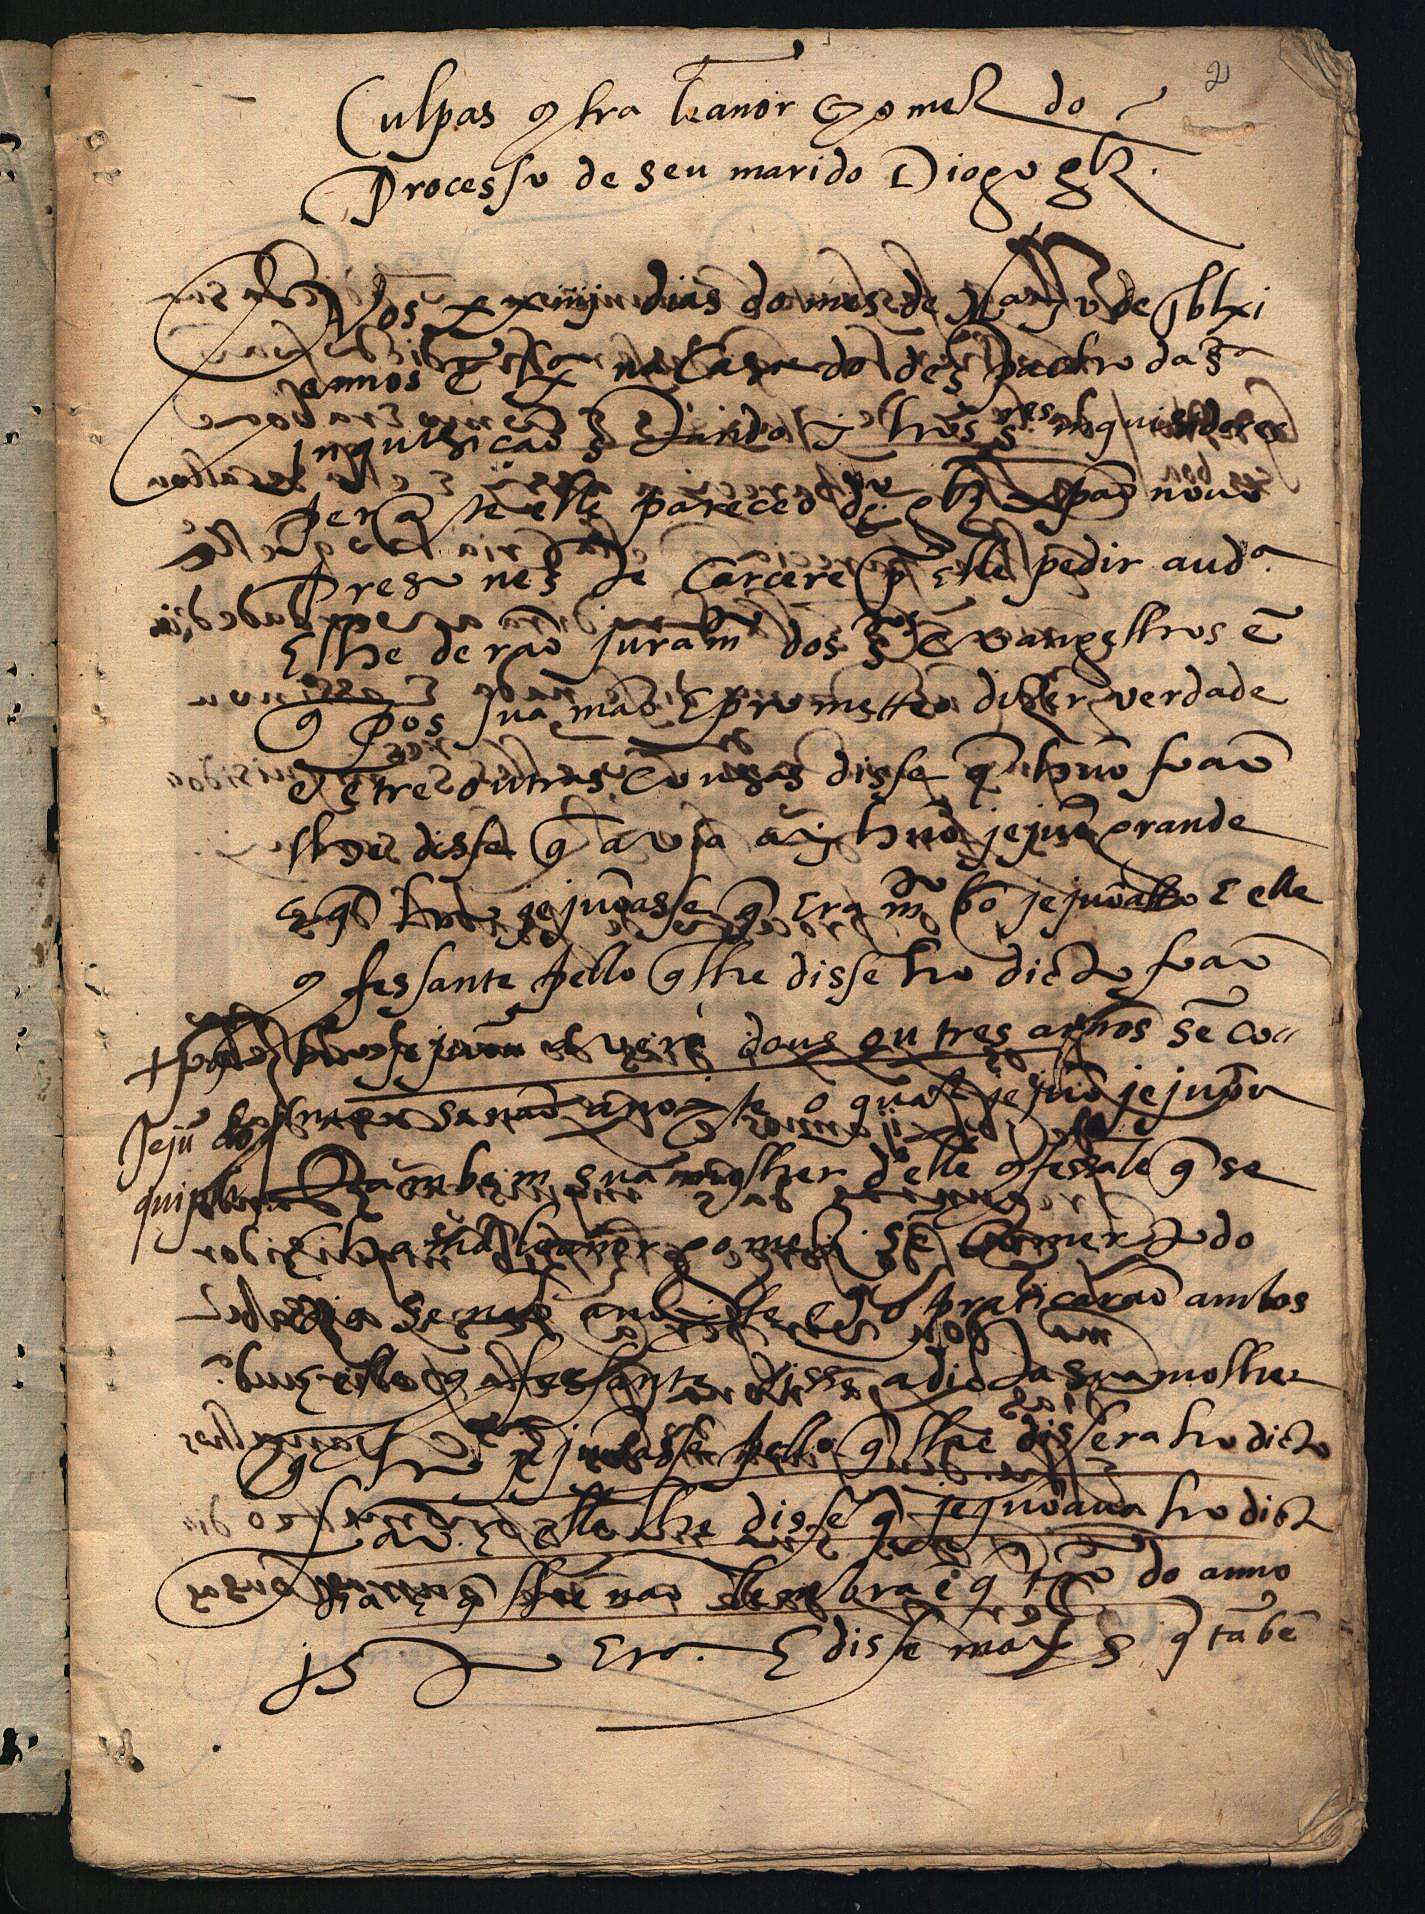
culpas ꝯtra lianor Gomez do
Processo de seu marido Diogo glz.
Aos xxiiij dias do mes de Majo de jbLxi
annos ē Lxa na Casa do despacho da sta
jnquisição stando y hos s.res inquisidores
perāte elle pareceo do glz̄ xpão nouo
Preso neste carcere ꝑo lhe pedir auda
E lhe derão Juramto dos Stos evangelhos ē
q̄ pos sua maõ E prometteo dizer verdade
e ētre outras cousas disse q̄ huō foão
lhe disse q̄ avia ay huō jejuō grande
E q̄ se jejuōasse q̄ era mto bō jejuōallo E elle
ꝯfessante pello q̄ lhe disse ho dicto foaõ
ho Jejuōu auera dous ou tres annos sē co //
tpꝯ̄
mer senão a noyte o qual jejuō jejuōu
Jejū do
tambem sua molher delle ꝯfessāte q̄ se
quipur
Chama lianor gomez sē comer todo
dia senão a noyte e o praticaraõ ambos
E elle q̄ ꝯfessante disse a dicta sua molher
q̄ ho jejuōasse pello q̄ lhe dissera ho dicto
foão E elle lhe disse q̄ jejuōaua ho dicto
dia E q̄ lhe não llembra ē q̄ tpō do anno
jsto Era E disse mays q̄ tābē
